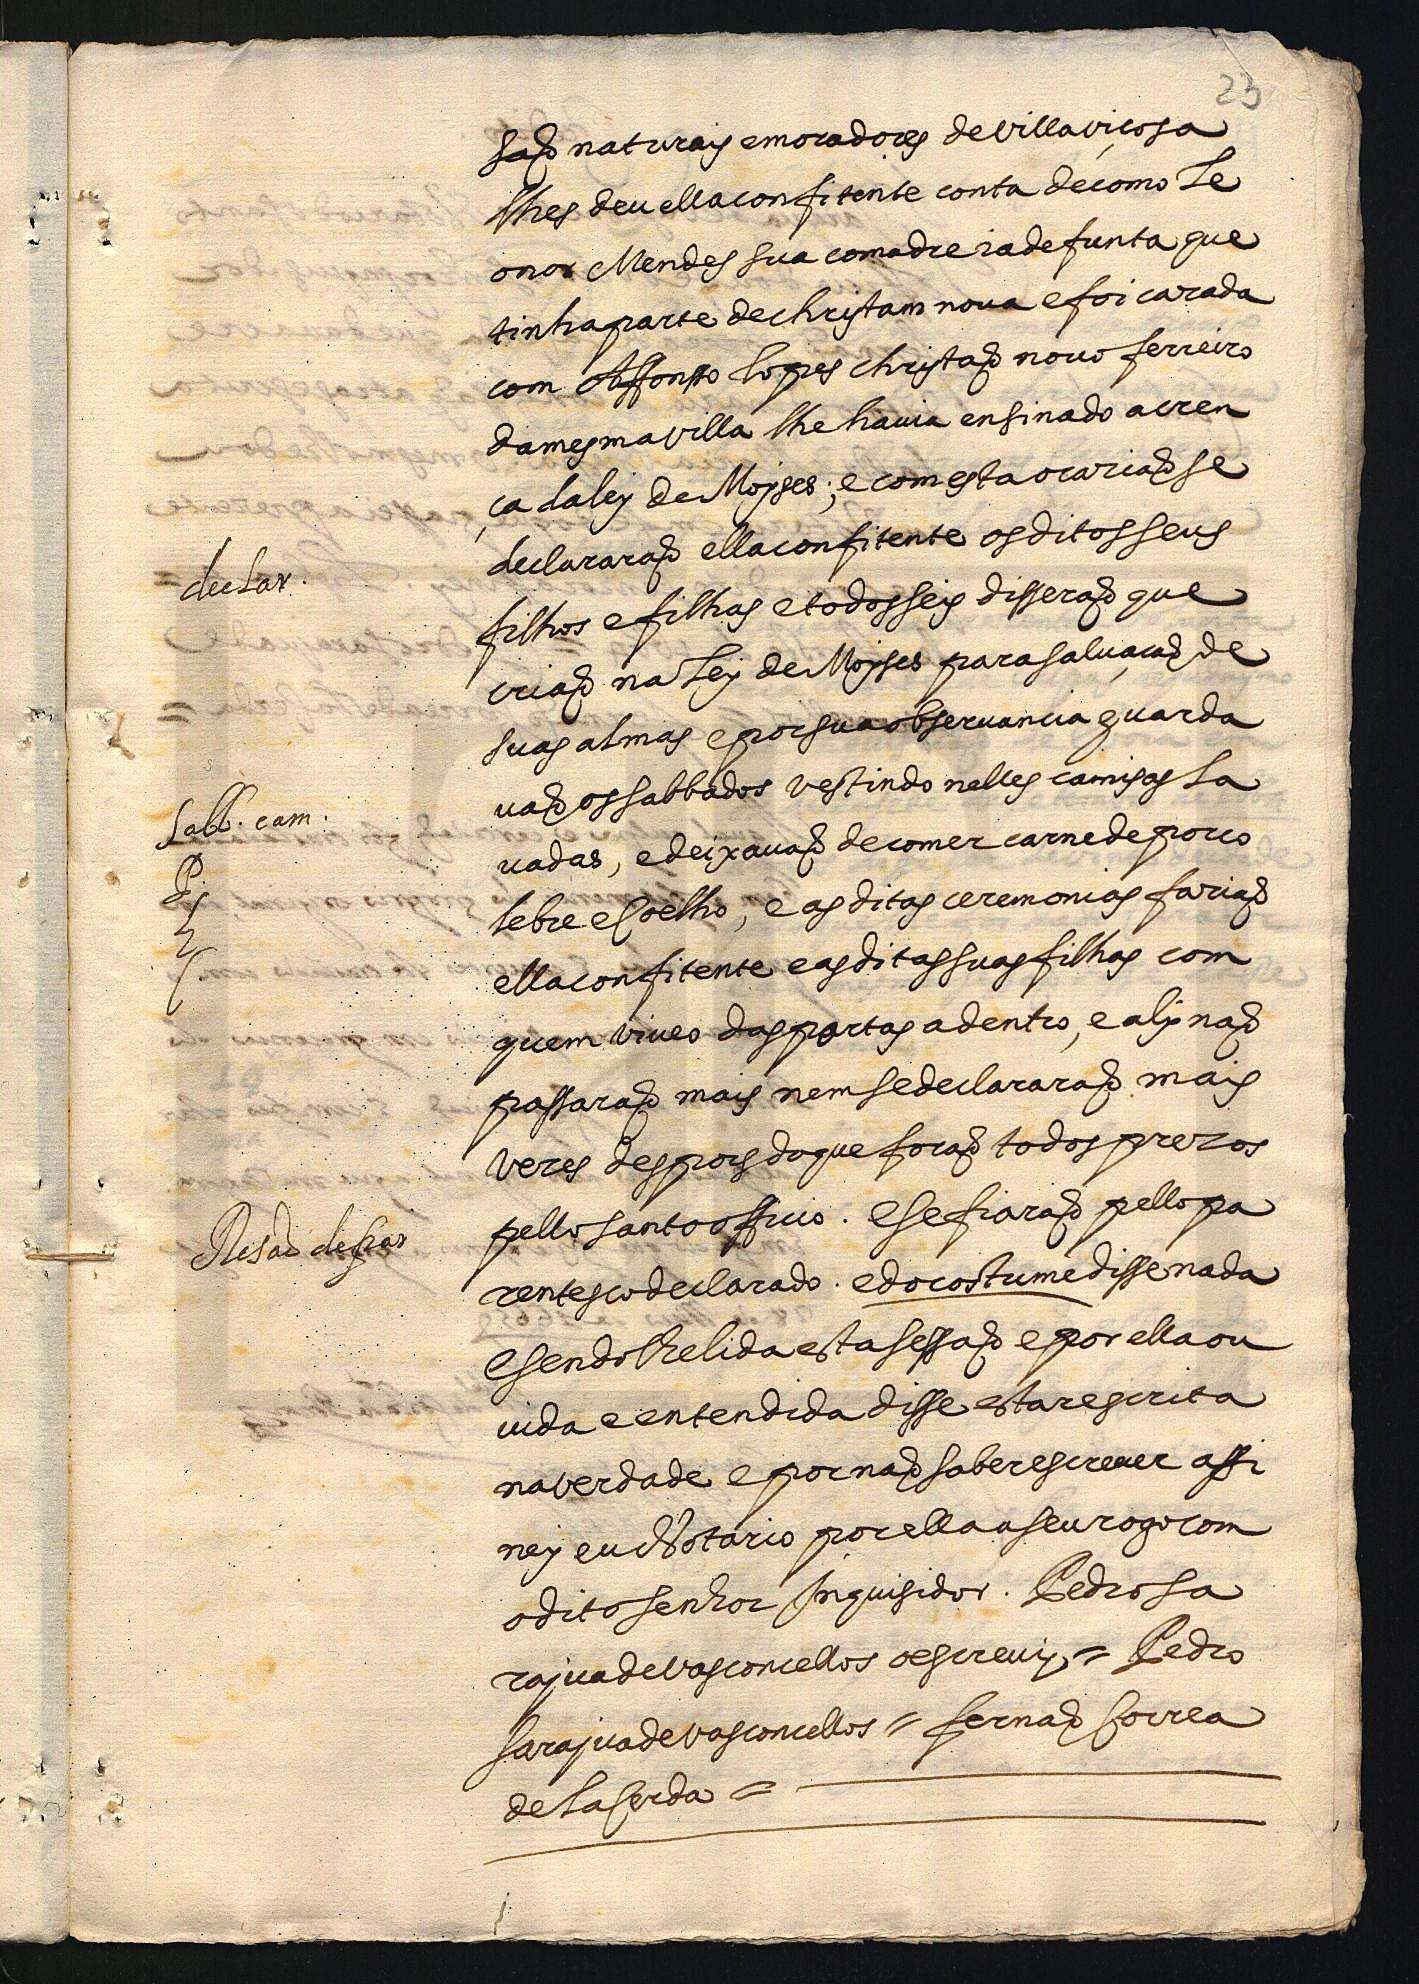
saõ naturais e moradores de villa viçosa
lhes deu ella confitente conta de como Le
onor Mendes sua comadre ia defunta que
tinha parte de christam noua e foi cazada
com Affonsso lopes christaõ nouo ferreiro
da mesma villa lhe hauia ensinado a cren
ça da ley de Moyses; e com esta ocaziaõ se
declararaõ ella confitente os ditos seus
filhos e filhas e todos seis disseraõ que
criaõ na Ley de Moyses para saluaçaõ de
suas almas e por sua obseruancia guarda
uaõ os sabbados vestindo nelles camisas La
uadas, e deixauaõ de comer carne de porco
lebre e Coelho, e as ditas ceremonias faziaõ
ella confitente e as ditas suas filhas com
quem viueo das portas adentro, e aly naõ
passaraõ mais nem se declararaõ mais
vezes despois do que foraõ todos prezos
pello santo officio. e se fiaraõ pello pa
rentesco declarado. e do costume disse nada
e sendolhe lida esta sessaõ e por ella ou
uida e entendida disse estar escrita
na verdade e por naõ saber escreuer assi
ney eu Notario por ella a seu rogo com
o dito Senhor Jnquisidor. Pedro Sa
rajua de vasconcellos o escreuy = Pedro
Sarajua de vasconcellos = fernaõ Correa
de LaCerda =
